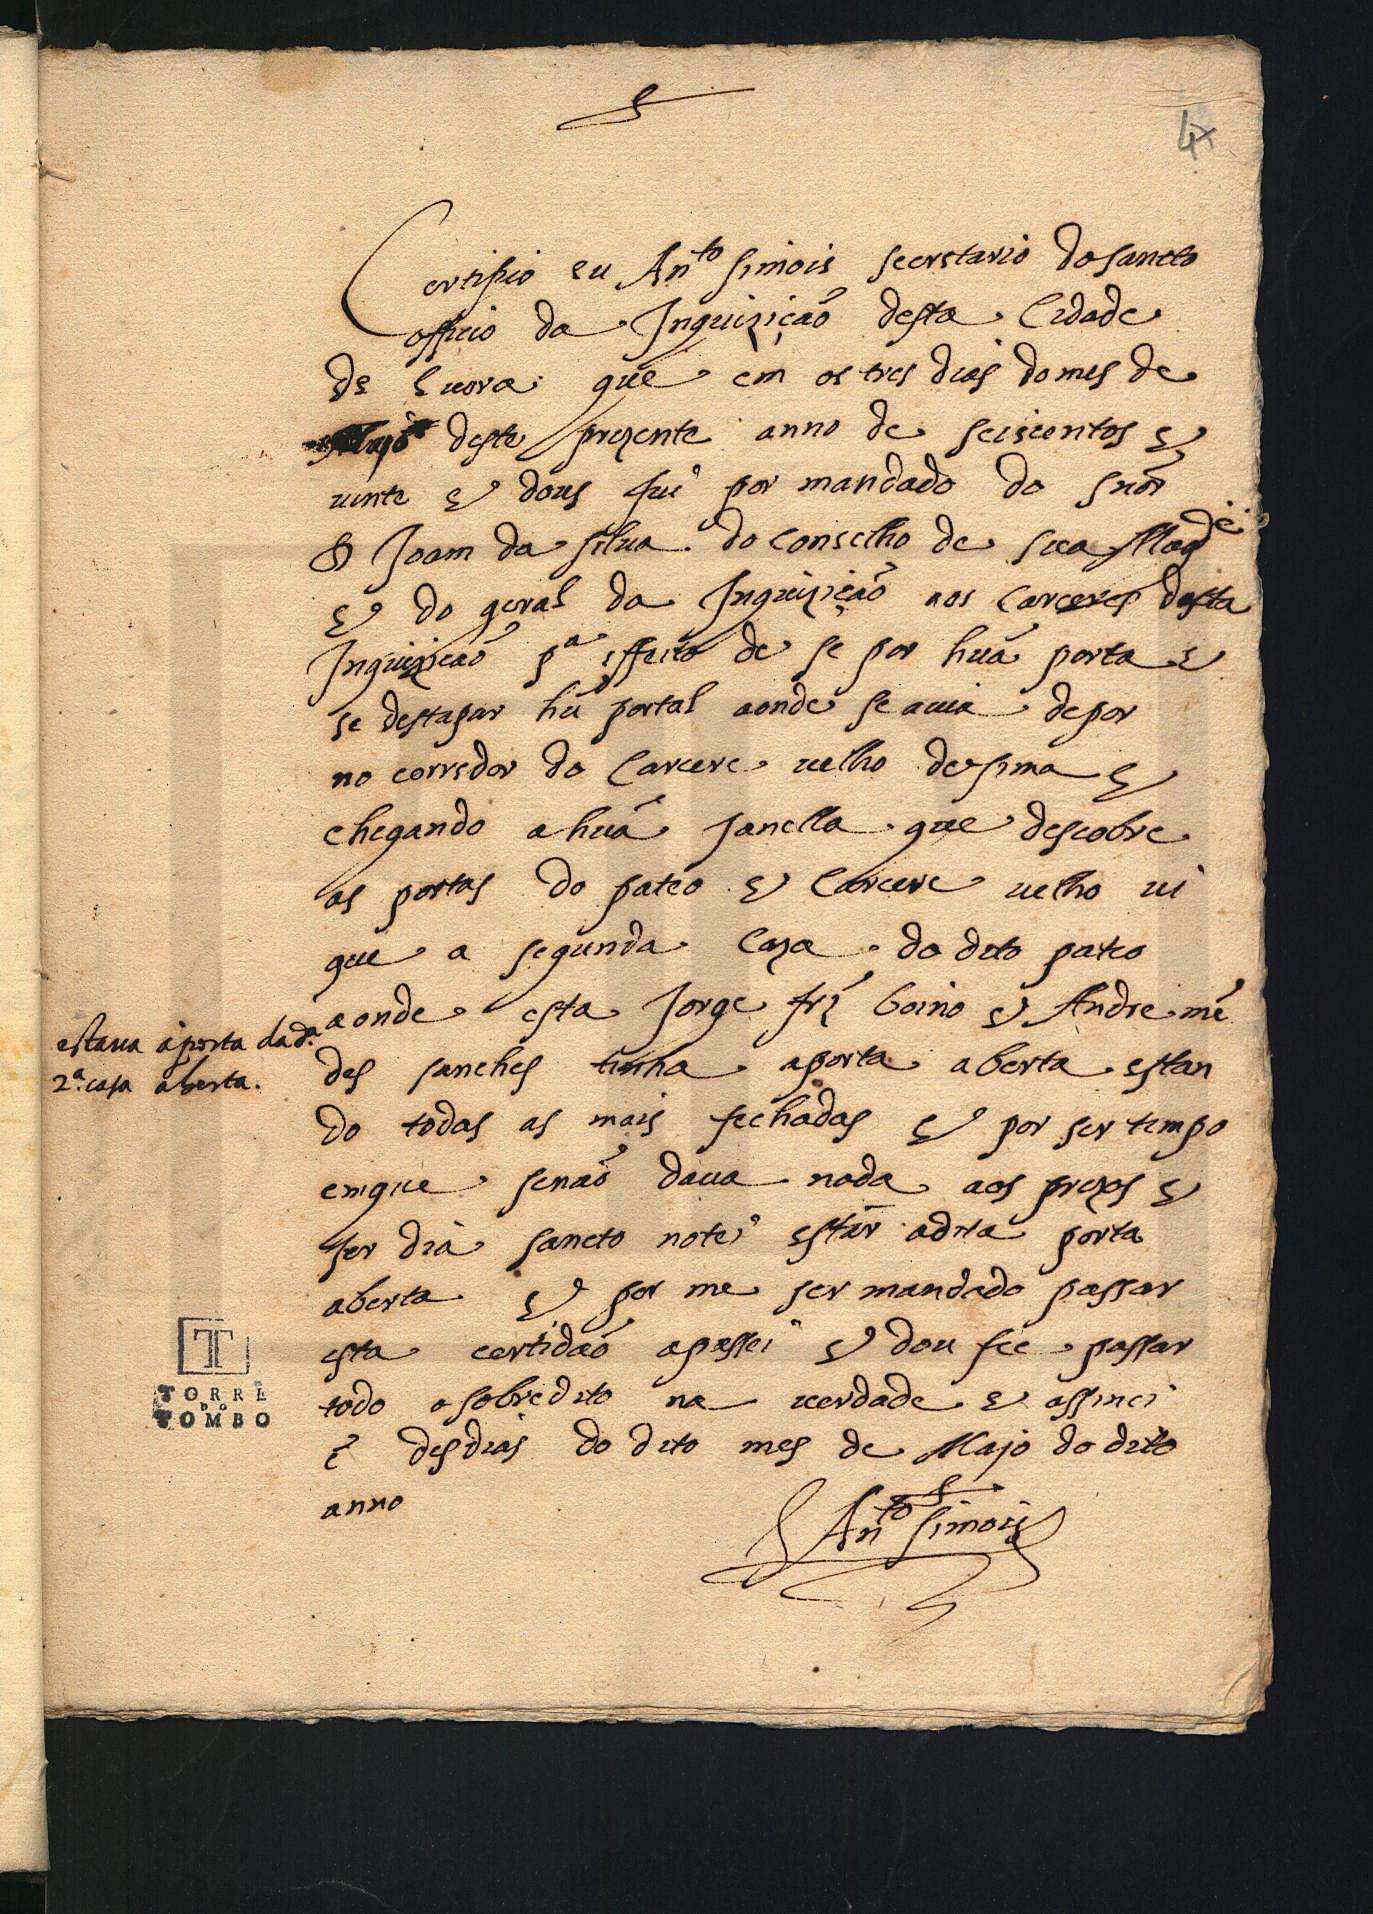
Certifico eu Anto simois secretario do sancto
officio da Jnquizição desta Cidade
de Euora que em os tres dias do mes de
Majo deste prezente anno de seiscentos E
uinte E dous fui por mandado do snōr
D Joam da Silua do conselho de sua Magde
E do geral da Jnquizição aos Carceres desta
Jnquizição pa effeito de se por huā porta E
se destapar hū portal aonde se auia de por
no corredor do Carcere uelho de sima E
chegando a huā Janella que descobre
as portas do pateo E Carcere uelho ui
que a segunda caza do dito pateo
estaua a porta da d.a
aonde esta Jorge frz̄ Goino E Andre mē
2.a casa aberta.
des sanches tinha a porta aberta Estan
do todas as mais fechadas E por ser tempo
em que se não daua nada aos prezos E
ser dia sancto notei Estar a dita porta
aberta E por me ser mandado passar
esta certidão a passei E dou fee passar
todo o sobredito na uerdade E assinei
ē des dias do dito mes de Majo do ditto
anno
Anto Simois
